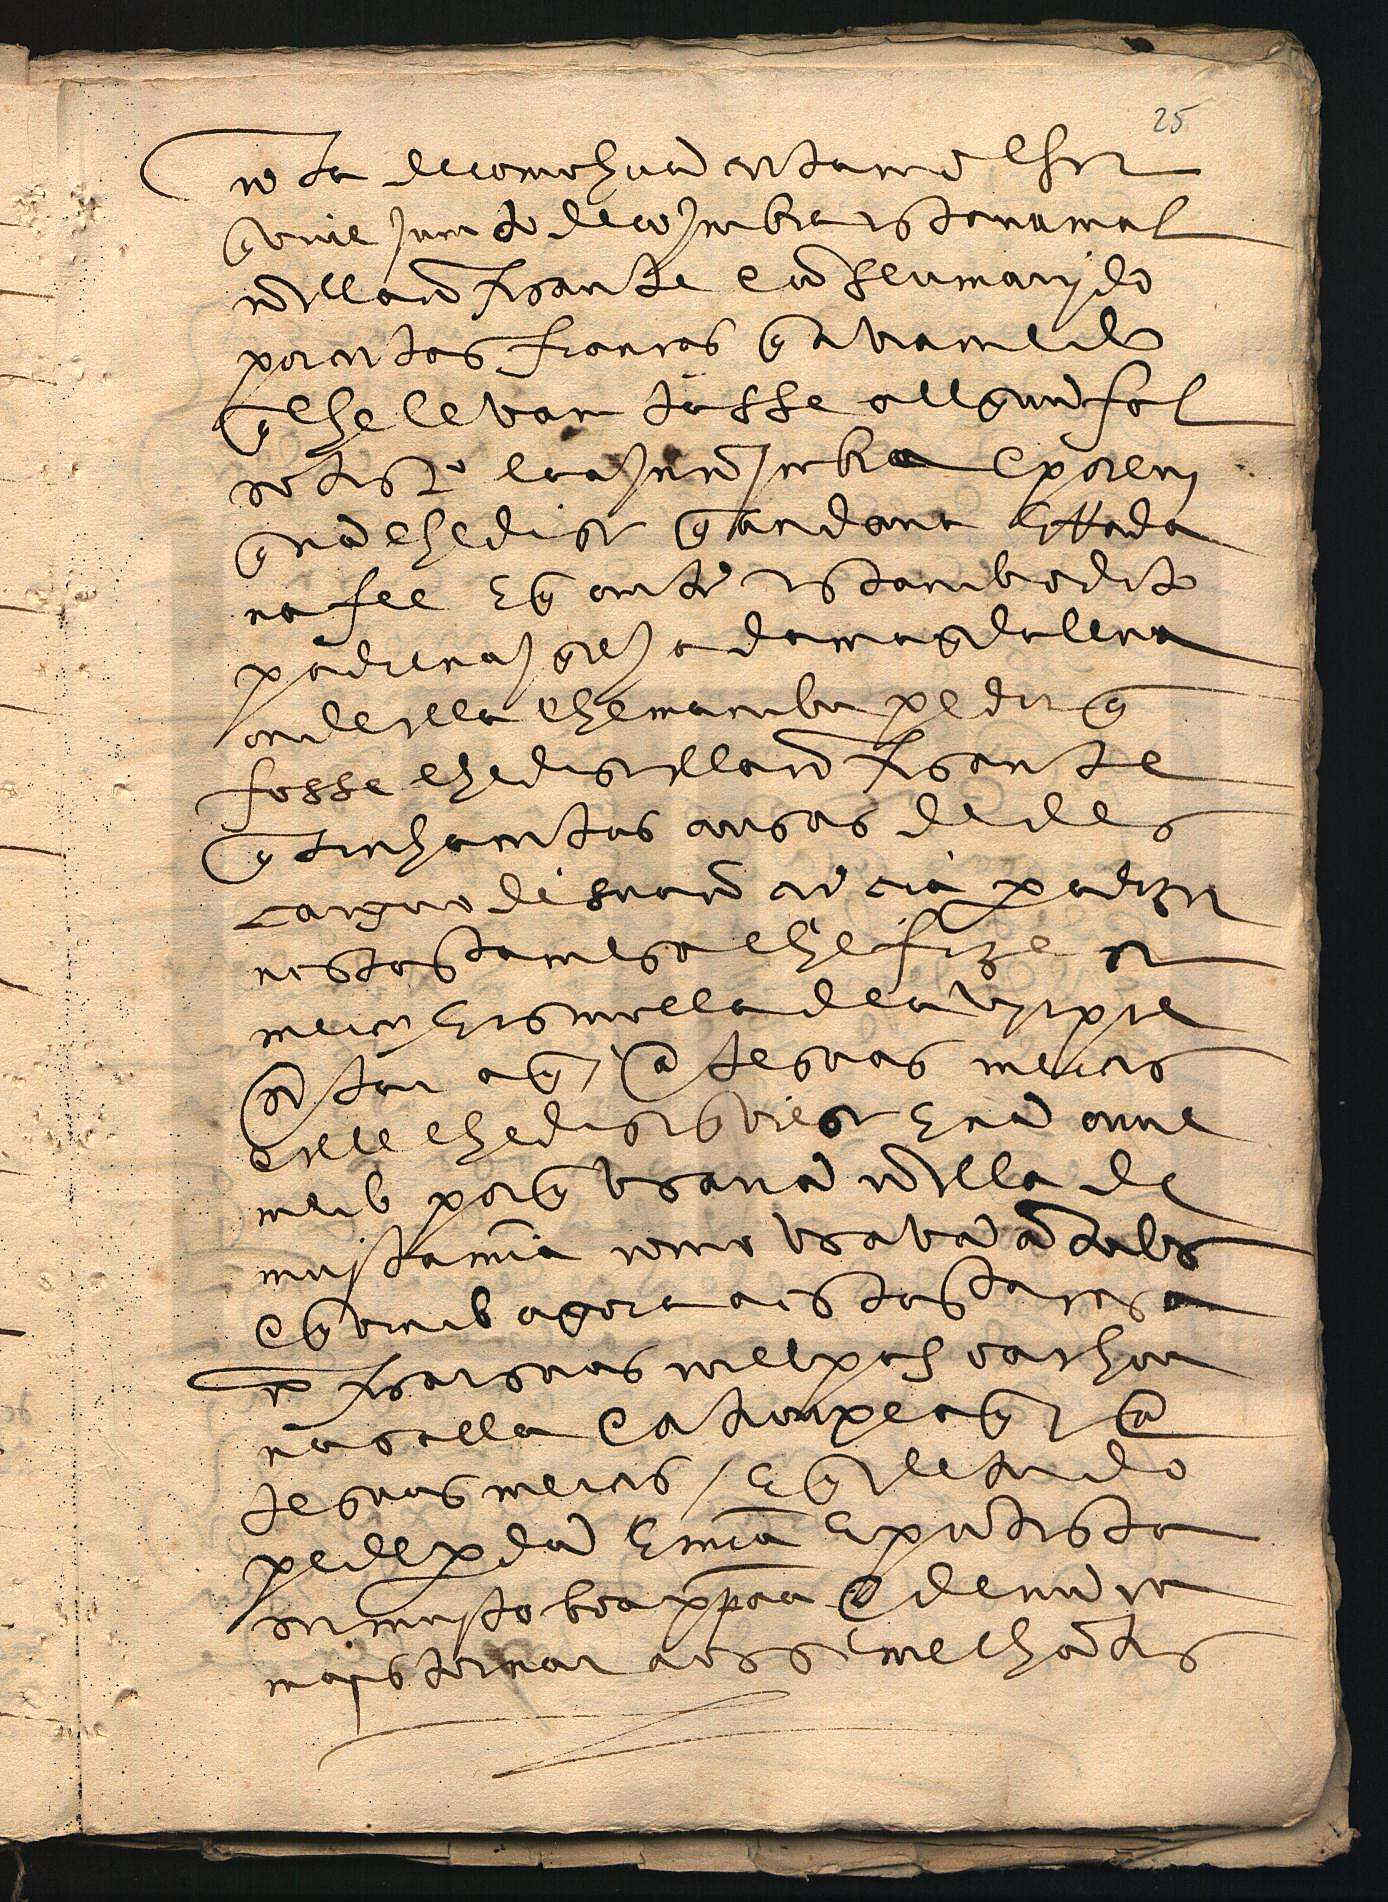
cōta de como huā certa molher
q̄ viue jumto de coJmbra estaua mal
cō ella cōfesante e cō seu marydo
por certas fianças q̄ avia medo
q̄ lhe levamtasse allguū faL
so testo laa Jn coJmbra e porem
q̄ nā lhe dise q̄ andaua ERada
na fee E q̄ omtē estando o dito
padre na JgreJa da magdalena
onde ella lhe mandou pedir q̄
fosse lhe dise ella cōfesante
q̄ tinha certas cousas de des
carguo de sua cōciēcia ꝑa dizer
nesta sta mesa lhe fizese
merçe E esmolla de a vjr pre
sētar aq̄j āte suas merces
e elle lhe dise q̄ viese E nā ouue
medo porq̄ vsauā cō ella de
mujta m̄ia como vsavā cō todos
e q̄ vindo agora a esta sta casa
cōfesar suas cullpas o achou
na salla e a trouxe aq̄j ā
te suas merçes / E q̄ de tudo
pede ꝑdā E m̄ia E protesta
ser mujto boa x̄paa e de nūca
majs tornar aos semelhātes
